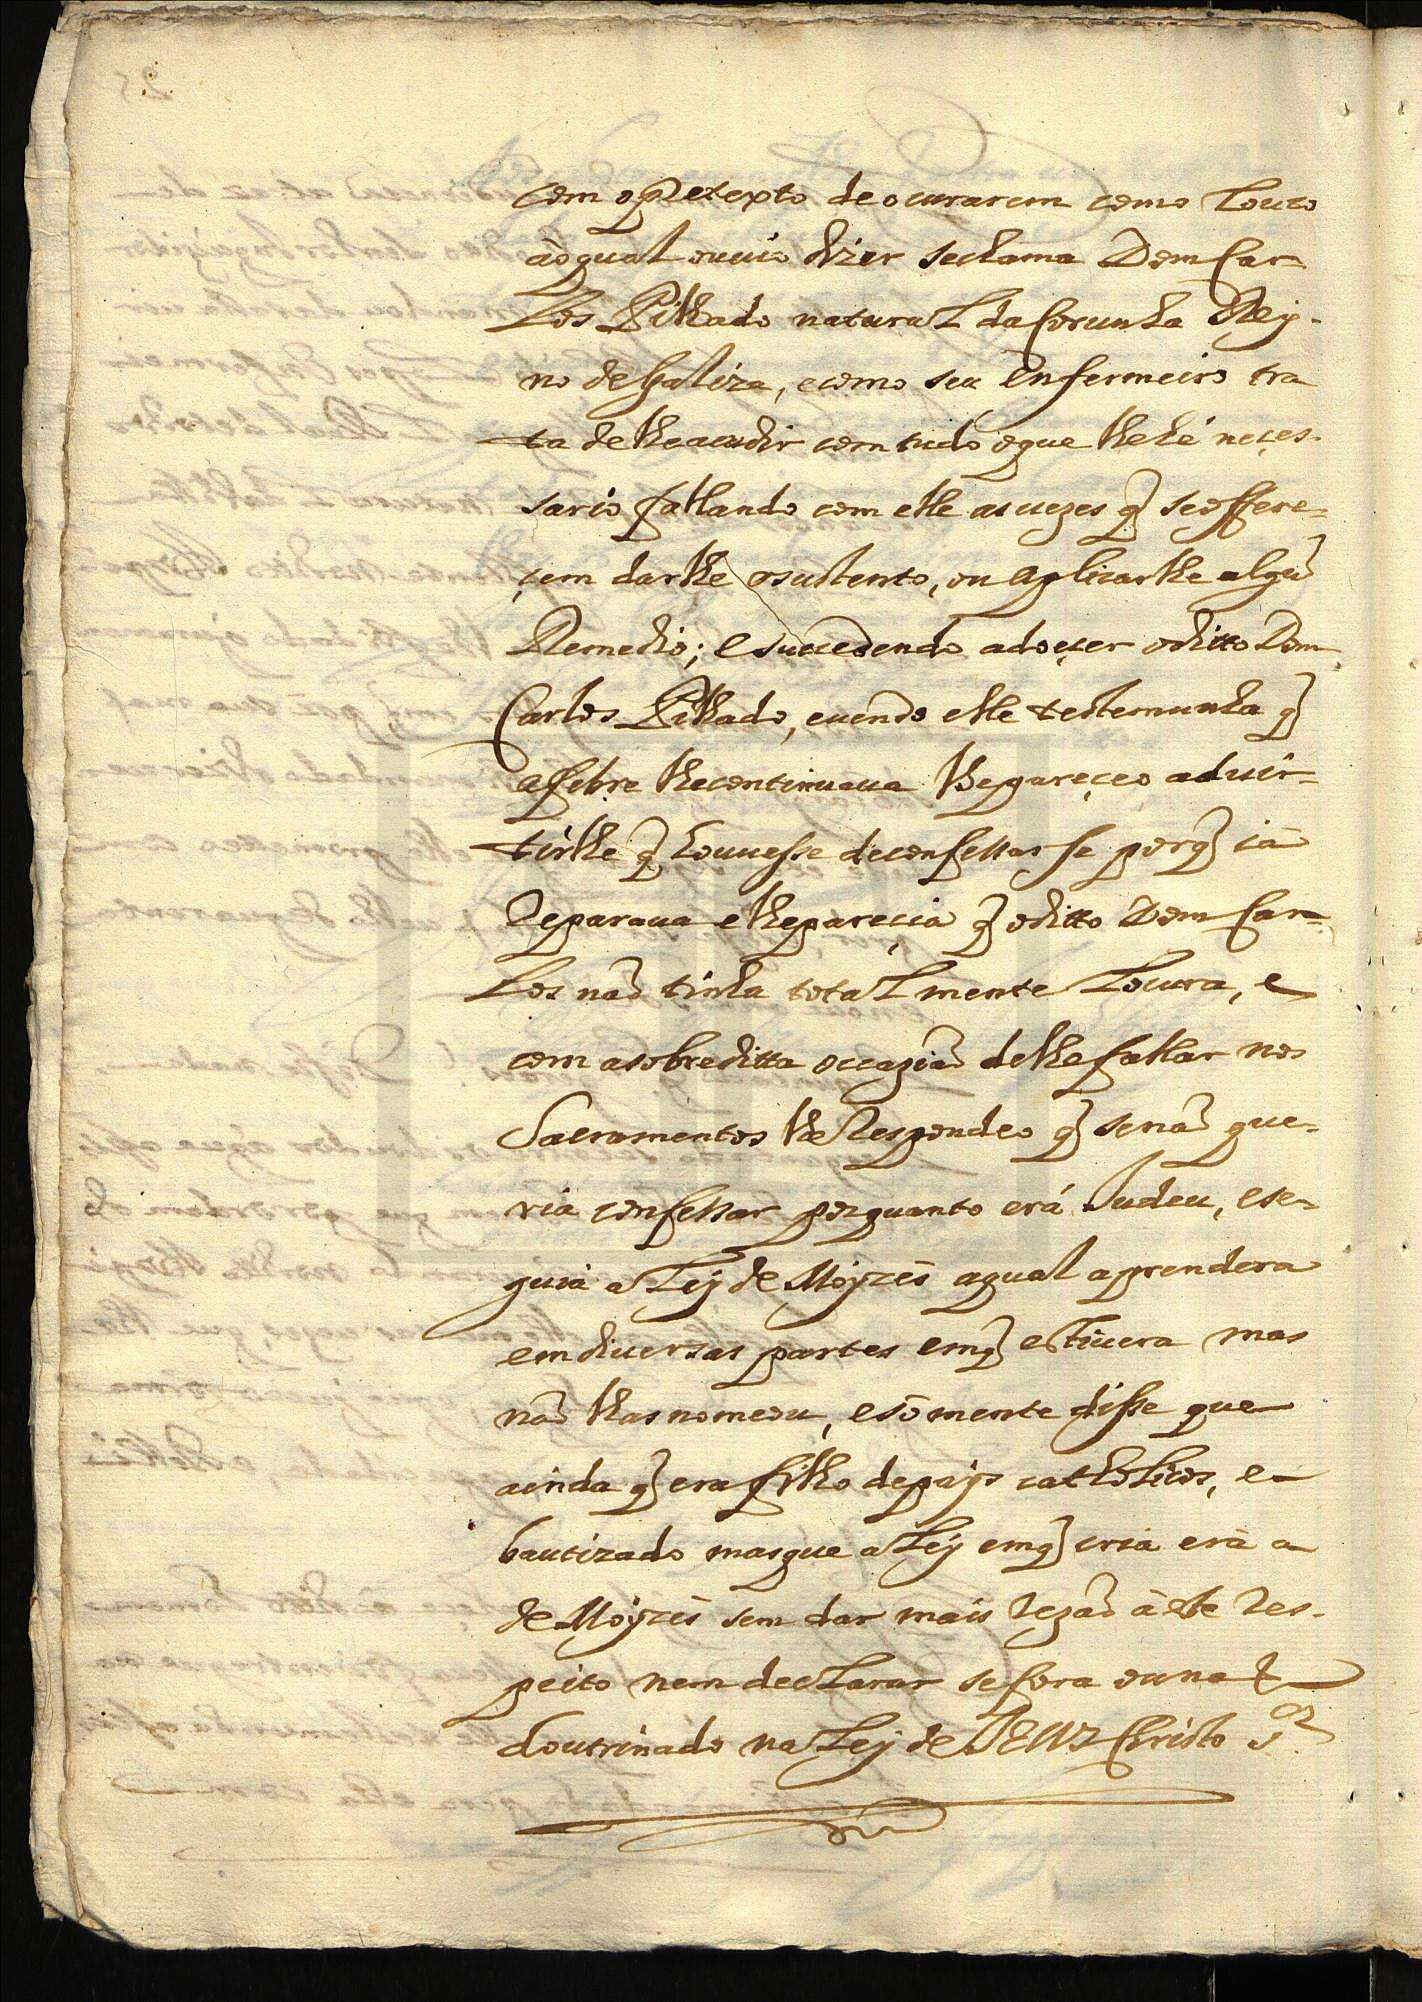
com o pretexto de o curarem como louco
ao qual ouuio dizer se chama Dom Car
Los Pilhado natural da Corunha Rey
no de Galiza, e como seu enfermeiro tra
ta de lhe acudir com tudo o que lhe hé neces
sario fallando com elle as uezes q̄ se offere
cem darlhe o sustento, ou aplicarlhe algū
Remedio; e succedendo adoecer o ditto Dom
Carlos Pilhado, e uendo elle testemunha q̄
a febre lhe continuaua lhe pareceo aduir
tirlhe q̄ houuesse de confessarse porq̄ iá
Reparaua e lhe parecia q̄ o ditto Dom Car
Los naõ tinha totaLmente Locura, e
com a sobreditta occaziaõ de lhe fallar nos
Sacramentos lhe Respondeo q̄ se naõ que
ria confessar porquanto erá Iudeu, e se
guia a Ley de Moyzés a qual aprendera
em diuersas partes em q̄ estiuera mas
naõ lhas nomeou, e sómente disse que
ainda q̄ era filho de pays catholicos, e
bautizado mas que a Ley em q̄ cria era a
de Moyzés sem dar mais Rezaõ à este Res
peito nem declarar se fora ou naõ
doutrinado na Ley de IESVS Christo sor
